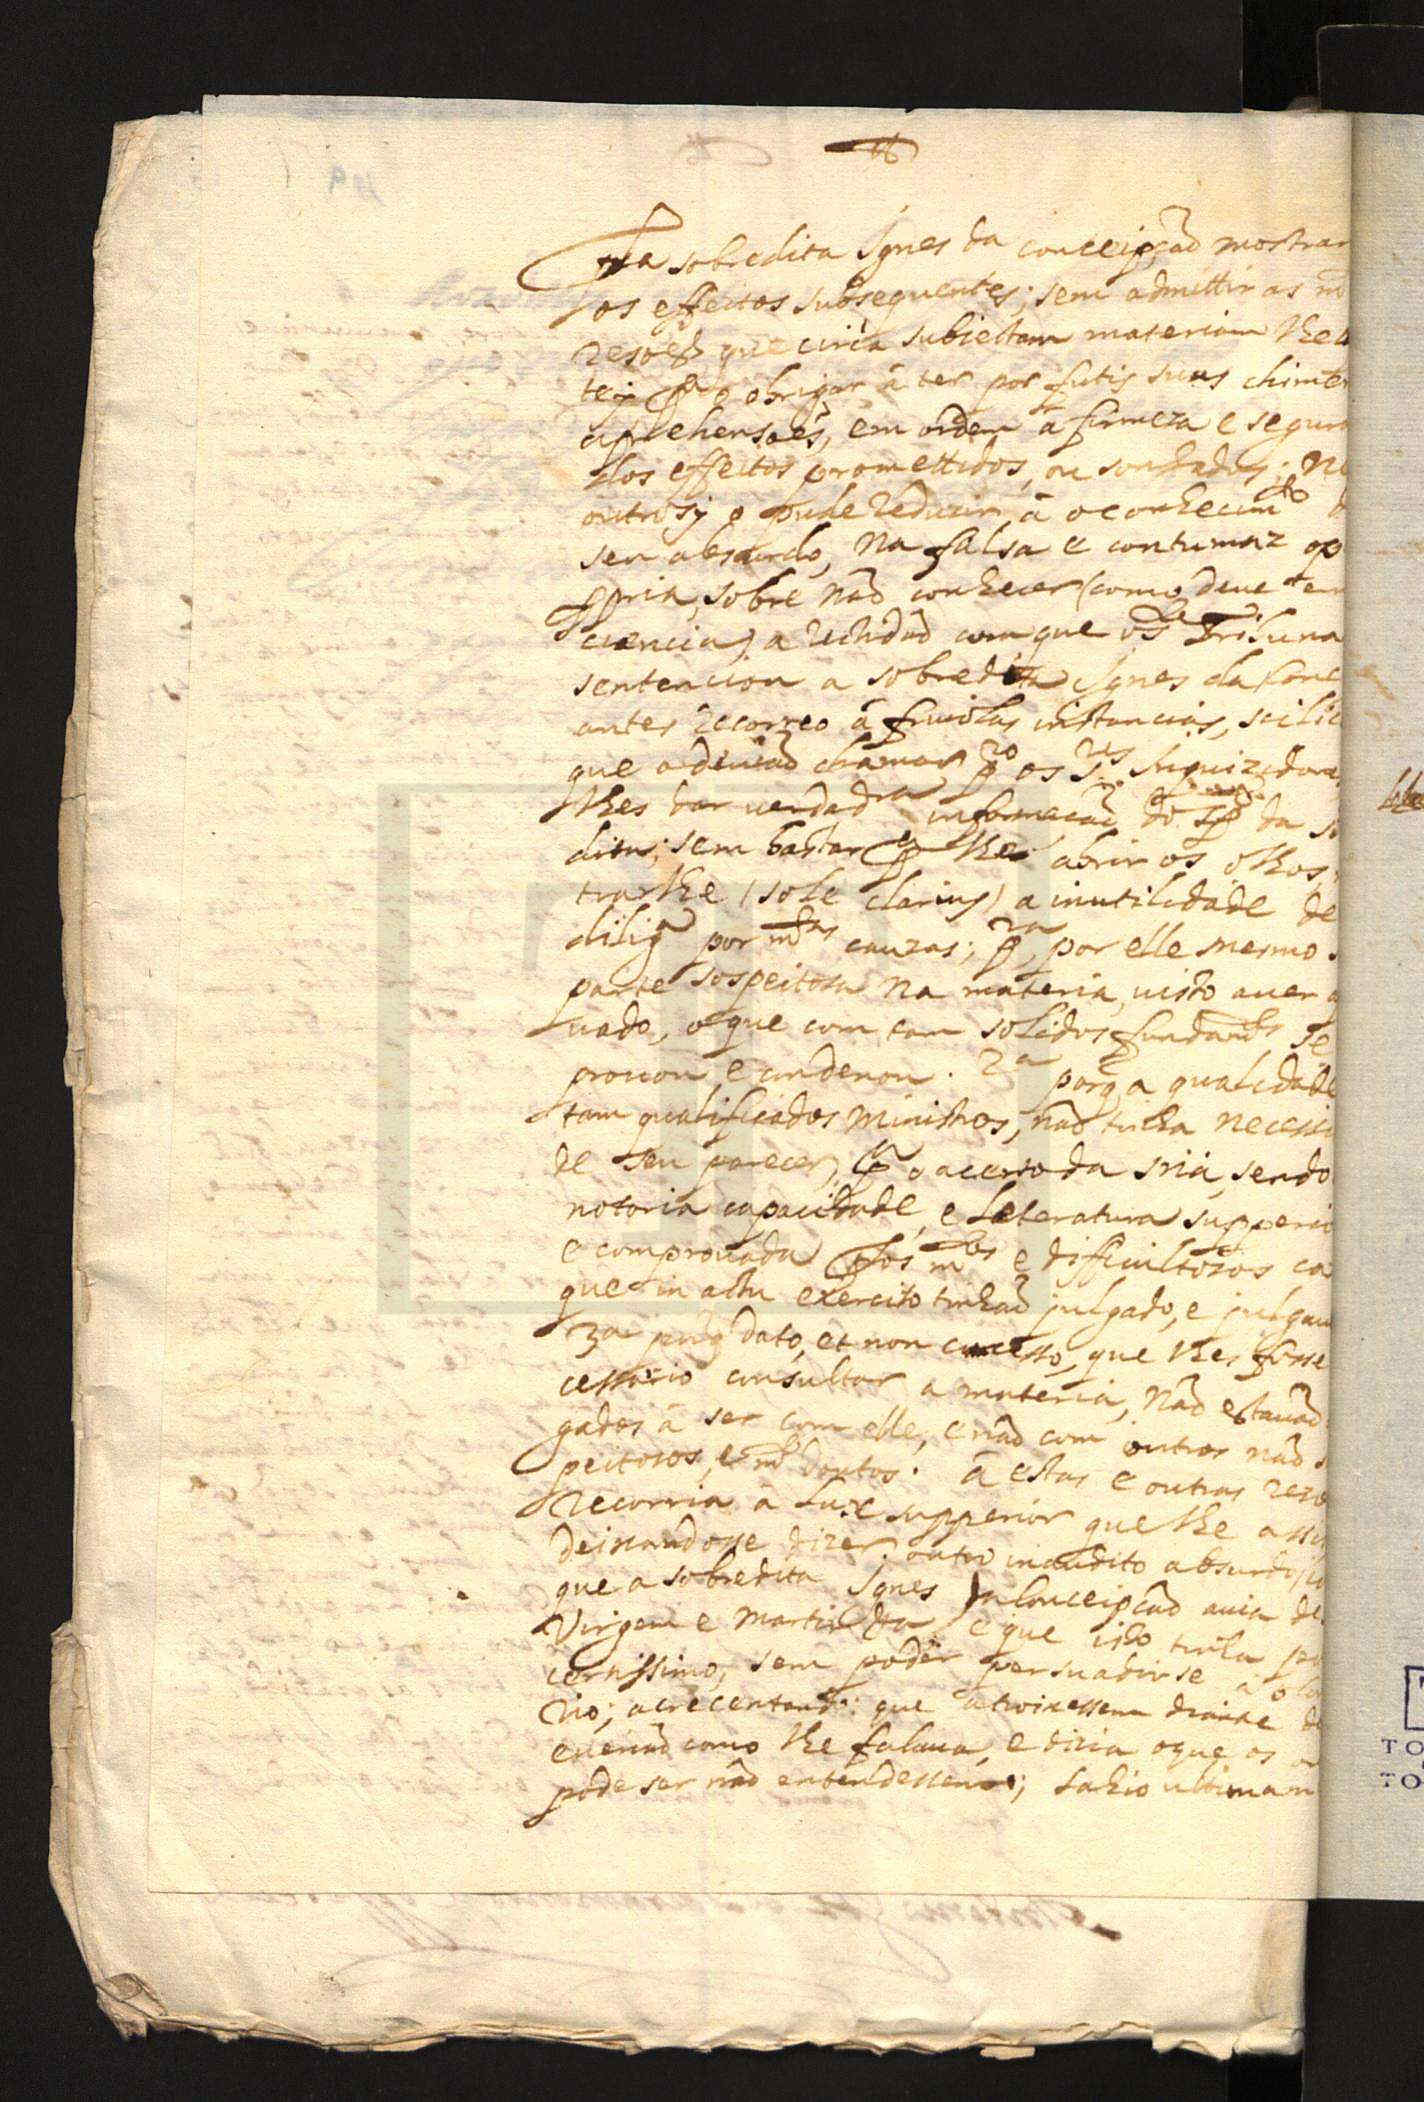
pla sobedita Ignes da conceipçaõ mostrar
os effeitos subsequentes; sem admittir as m
Resoẽs que circa subiectam materiam lhe
tey pa o obrigar á ter por futis suus chime
aprehensoẽs, em ordem à firmeza e segun
dos effeitos promettidos, ou sonhados; n
outrosy o pude Reduzir, ao conhecimto d
seu absurdo, na falsa e contumaz
ꝓpria, sobre naõ conhecer (como deue e
ciencia) a Rectidaõ com que o sto Tribuna
sentenciou a sobredita Ignes da Cons
antes Recorreo a friuolas instancias, scilic
que a deuiaõ chamar pro os s.res Inquizidores
lhes dar uerdadra informaçaõ do spo da s
dita; sem bastar pa lhe abrir os olhos
trarlhe (sole clarius) a inutilidade de
diliga por mtas cauzas; pra por elle Mesmo.
parte sospeitosa na materia uisto auer
uado, o que com tam solidos fundamtos se
prouou e condenou. 2a porq a qualidade
tam qualificados ministros, naõ tinha necessi
de seu parecer, pa o acerto da snā, sendo
notoria capacidade e Leteratura supperio
e comprouada plos mtos o difficultozos ca
que in actu exercito tinhaõ julgado, e julgau
3a porq̄ dato, et non concesso, que lhes fosse
cessario consultar a materia, naõ estauaõ
gados a ser com elle, e naõ com outros não
peitosos, e mto doutos. a estas e outras rezo
Recorria à Iux supperior que lhe assi
deixandosse dizer outro in audito absurdissi
que a sobredita Ignes da Conceipçaõ auia de
Virgem e martir &a e que isto tinha por
certissimo, sem poder persuadirse ao con
Rio, acrecentando que a troixessem diante do
e ueriaõ como lhe falaua, e dizia o que os
pode ser naõ entendessemos; sahio ultimam
